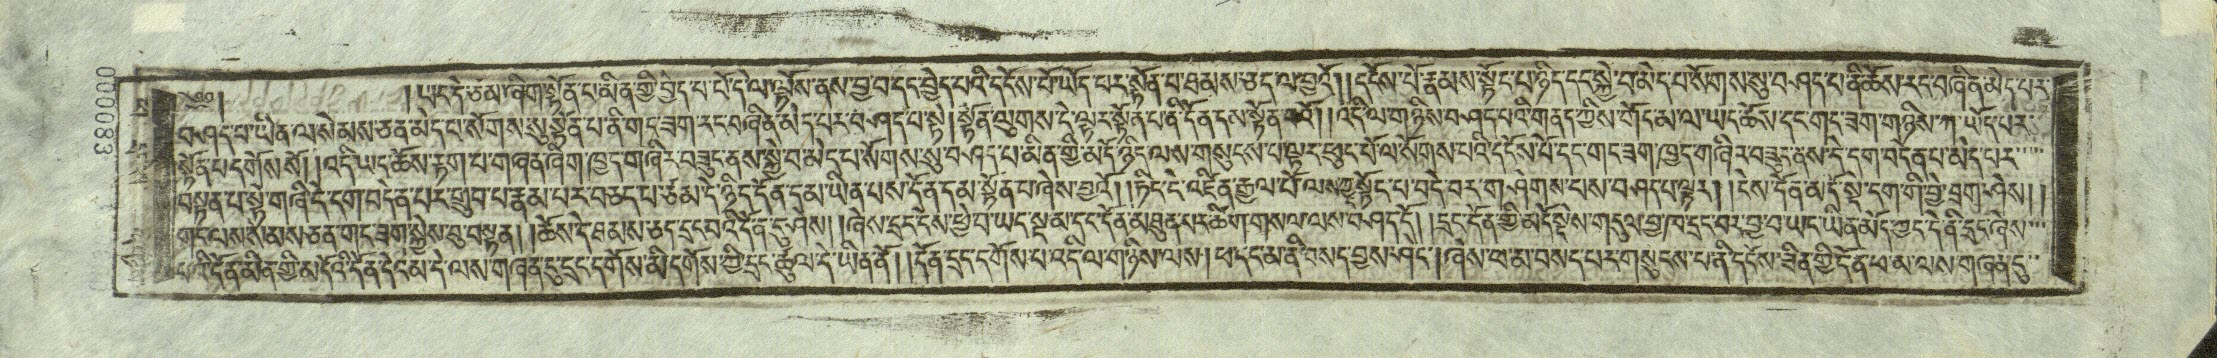༄༅། །ཡང་དེ་ཙམ་ཞིག་སྟོན་པ་མིན་གྱི་བྱེད་པ་པོ་དེ་ལ་ལྟོས་ནས་བྱ་བ་དང་བྱེད་པའི་དངོས་པོ་ཡོད་པར་སྟོན་པ་ཐམས་ཅད་ལ་བྱའོ། །དངོས་པོ་རྣམས་སྟོང་པ་ཉིད་དང་སྐྱེ་བ་མེད་པ་སོགས་སུ་བཤད་པ་ནི་ཆོས་རང་བཞིན་མེད་པར་
བཤད་པ་ཡིན་ལ་སེམས་ཅན་མེད་པ་སོགས་སུ་སྟོན་པ་ནི་གང་ཟག་རང་བཞིན་མེད་པར་བཤད་པ་སྟེ། སྟོན་ལུགས་དེ་ལྟར་སྟོན་པ་ནི་དོན་དམ་སྟོན་པའོ། །འདི་ལ་གཉིས་བཤད་པའི་གནད་ཀྱིས་གོང་མ་ལ་ཡང་ཆོས་དང་གང་ཟག་གཉིས་ཀ་ཡོད་པར་
སྟོན་པ་དགོས་སོ། །འདི་ཡང་ཆོས་རྟག་པ་གཞན་ཞིག་ཁྱད་གཞིར་བཟུང་ནས་སྐྱེ་བ་མེད་པ་སོགས་སུ་བཤད་པ་མིན་གྱི་མདོ་ཉིད་ལས་གསུངས་པ་ལྟར་ཕུང་པོ་ལ་སོགས་པའི་དངོས་པོ་དང་གང་ཟག་ཁྱད་གཞིར་བཟུང་ནས་དེ་དག་བདེན་པ་མེད་པར་
བསྟན་པ་སྟེ་གཞི་དེ་དག་བདེན་པར་གྲུབ་པ་རྣམ་པར་བཅད་པ་ཙམ་དེ་ཉིད་དོན་དམ་ཡིན་པས་དོན་དམ་སྟོན་པ་ཞེས་བྱའོ། །ཏིང་ངེ་འཛིན་རྒྱལ་པོ་ལས་ཀྱང་། སྟོང་པ་བདེ་བར་གཤེགས་པས་བཤད་པ་ལྟར། །ངེས་དོན་མདོ་སྡེ་དག་གི་བྱེ་བྲག་ཤེས། །
གང་ལས་སེམས་ཅན་གང་ཟག་སྐྱེས་བུ་བསྟན། །ཆོས་དེ་ཐམས་ཅད་དྲང་བའི་དོན་དུ་ཤེས། །ཞེས་དྲང་ངེས་ཕྱེ་བ་ཡང་སྔ་མ་དང་དོན་མཐུན་པར་ཚིག་གསལ་ལས་བཤད་དོ། །དྲང་དོན་གྱི་མདོ་སྡེས་གདུལ་བྱ་ཁ་དྲང་བར་བྱ་བ་ཡང་ཡིན་མོད་ཀྱང་དེ་ནི་དྲང་ཞེས་
པའི་དོན་མིན་གྱི་མདོའི་དོན་དེའམ་དེ་ལས་གཞན་དུ་དྲང་དགོས་མི་དགོས་ཀྱི་དྲང་ཚུལ་དེ་ཡིན་ནོ། །དོན་དྲང་དགོས་པ་འདི་ལ་གཉིས་ལས། ཕ་དང་མ་ནི་བསད་བྱས་ཤིང་། ཞེས་ཕ་མ་བསད་པར་གསུངས་པ་ནི་དངོས་ཟིན་གྱི་དོན་ཕ་མ་ལས་གཞན་དུ་